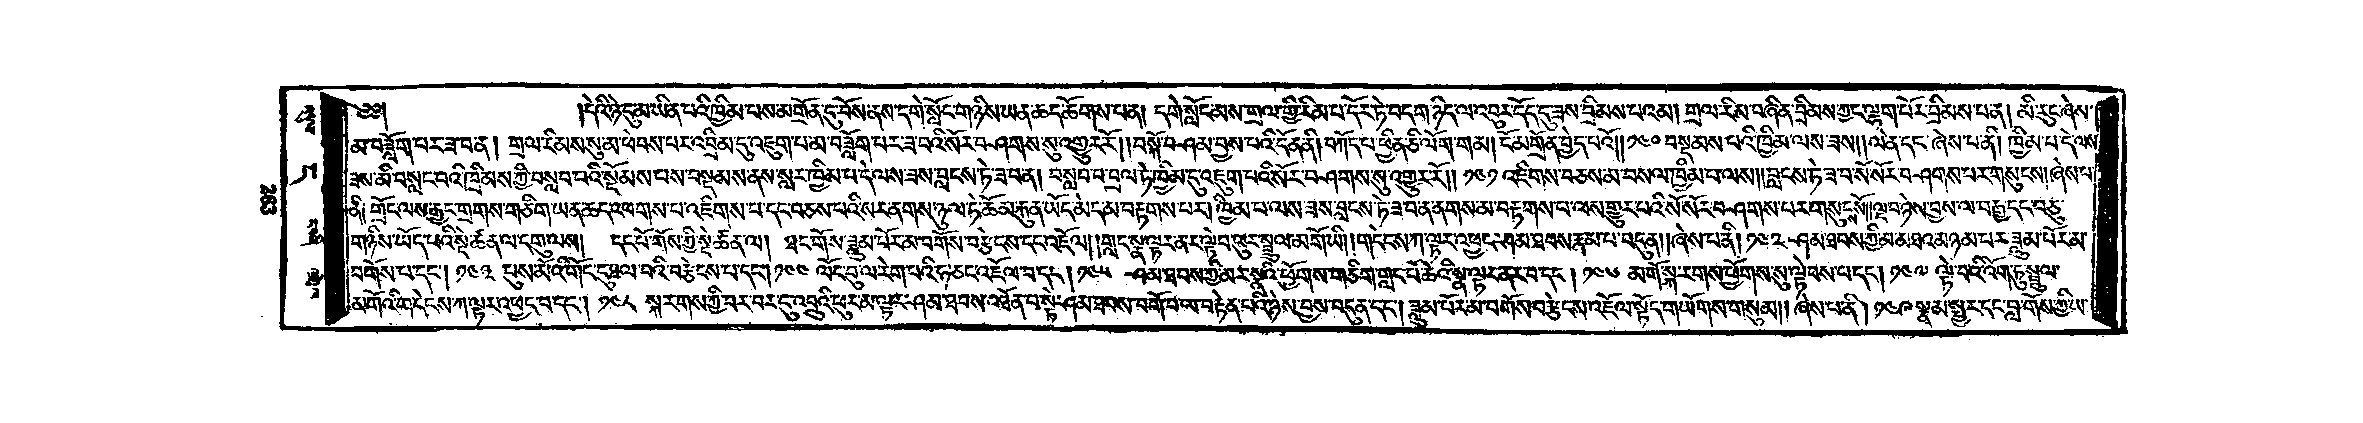༄༅། །དེའི་ཉེ་དུ་མ་ཡིན་པའི་ཁྱིམ་པས་མགྲོན་དུ་བོས་ནས་དགེ་སློང་གཉིས་ཡན་ཆད་ཆོགས་པ་ན། དགེ་སློང་མས་གྲལ་གྱི་རིམ་པ་དོར་ཏེ་བདག་ཉིད་ལ་འབུར་དོད་དུ་ཟས་བྲིམས་པའམ། གྲལ་རིམ་བཞིན་བྲིམས་ཀྱང་ལྷག་པོར་བྲིམས་པ་ན། མི་རུང་ཞེས་
མ་བཟློག་པར་ཟ་བ་ན། གྲལ་རིམས་སུ་མ་ཕེབས་པར་འབྲིམ་དུ་འཇུག་པ་མ་བཟློག་པར་ཟ་བའི་སོར་བཤགས་སུ་འགྱུར་རོ། །བསྐོ་བཤམ་བྱས་པའི་དོན་ནི། བཀོད་པ་ཕྱིན་ཅི་ལོག་གམ། ངོ་མགྲོན་བྱེད་པའོ། །བསྡམས་པའི་ཁྱིམ་ལས་ཟས། །ལེན་དང་ཞེས་པ་ནི། ཁྱིམ་པ་དེ་ལས་
ཟས་མི་བསླང་བའི་ཁྲིམས་ཀྱི་བསླབ་པའི་སྡོམས་པས་བསྡམས་ནས་སླར་ཁྱིམ་པ་དེ་ལས་ཟས་བླངས་ཏེ་ཟ་བ་ན། བསླབ་པ་བྲལ་ཏེ་ཁྱིམ་དུ་འཇུག་པའི་སོར་བཤགས་སུ་འགྱུར་རོ། །འཇིགས་བཅས་མ་བསལ་ཁྱིམ་པ་ལས། །བླངས་ཏེ་ཟ་བ་སོ་སོར་བཤགས་པར་གསུངས། ཞེས་པ་
ནི། གྲོང་ལས་རྒྱང་གྲགས་གཅིག་ཡན་ཆད་འཕགས་པ་འཇིགས་པ་དང་བཅས་པའི་སར་ནགས་ཉུལ་ཏེ་ཆོམ་རྐུན་ཡོད་མེད་མ་བརྟགས་པར། ཁྱིམ་པ་ལས་ཟས་བླངས་ཏེ་ཟ་བ་ན་ནགས་མ་བརྟགས་པ་ལས་གྱུར་པའི་སོ་སོར་བཤགས་པར་གསུངས་སོ། །ལྔ་བ་ཉེས་བྱས་ལ་བརྒྱ་དང་བཅུ་
གཉིས་ཡོད་པའི་སྡེ་ཚན་ལ་དགུ་ལས། དང་པོ་གོས་ཀྱི་སྡེ་ཚན་ལ། ཐང་གོས་ཟླུམ་པོར་མ་བགོས་བརྩེངས་དང་འཇོལ། །གླང་སྣ་ལྟར་ན་ར་ལྟེབ་ཕུར་སྦྲུལ་མགོ་ཡི། །གདེངས་ཀ་ལྟར་འཕྱང་ཤམ་ཐབས་རྣམ་པ་བདུན། །ཞེས་པ་ནི། ཤམ་ཐབས་ཀྱི་མ་མཐའ་མཉམ་པར་ཟླུམ་པོར་མ་
བགོས་པ་དང་། པུས་མོའི་གོང་དུ་ཐལ་བའི་བརྩེངས་པ་དང་། ལོང་བུ་ལ་རེག་པའི་ཧ་ཅང་འཇོལ་བ་དང་། ཤམ་ཐབས་ཀྱི་མར་སྣའི་ཕྱོགས་གཅིག་གླང་པོ་ཆེའི་སྣ་ལྟར་ནར་བ་དང་། མགོ་སྐ་རགས་ཕྱོགས་སུ་ལྟེབས་པ་དང་། ལྟེ་བའི་འོག་ཏུ་སྦྲུལ་
མགོའི་གདེངས་ཀ་ལྟར་འཕྱང་བ་དང་། སྐ་རགས་ཀྱི་བར་བར་དུ་འབྲུའི་ཕུར་མ་ལྟར་ཤམ་ཐབས་འཐོན་པ་སྟེ་ཤམ་ཐབས་བགོ་བ་ལ་བརྟེན་པའི་ཉེས་བྱས་བདུན་དང་། ཟླུམ་པོར་མ་བགོས་བརྩེངས་འཇོལ་སྟོད་གཡོགས་གསུམ། །ཞེས་པ་ནི། སྣམ་སྦྱར་དང་བླ་གོས་ཀྱི་ཡ་